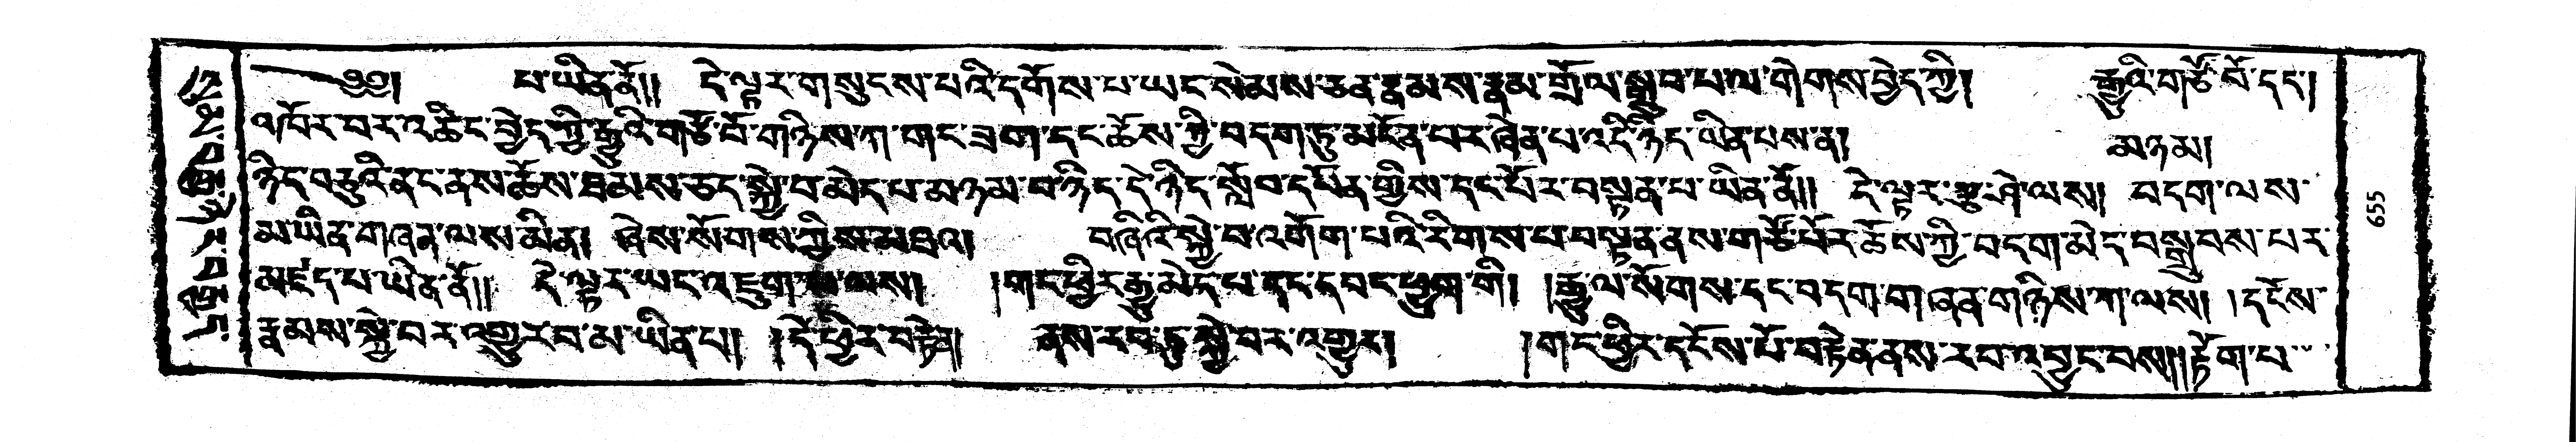༄༅། །པ་ཡིན་ནོ། །དེ་ལྟར་གསུངས་པའི་དགོས་པ་ཡང་སེམས་ཅན་རྣམས་རྣམ་གྲོལ་སྒྲུབ་པ་ལ་གེགས་བྱེད་ཀྱི། རྒྱུའི་གཙོ་བོ་དང་།
འཁོར་བར་འཆིང་བྱེད་ཀྱི་རྒྱུའི་གཙོ་བོ་གཉིས་ཀ་གང་ཟག་དང་ཆོས་ཀྱི་བདག་ཏུ་མངོན་པར་ཞེན་པ་འདི་ཉིད་ཡིན་པས་ན། མཉམ།
ཉིད་བཅུའི་ནང་ནས་ཆོས་ཐམས་ཅད་སྐྱེ་བ་མེད་པ་མཉམ་པ་ཉིད་དེ་ཉིད་སློབ་དཔོན་གྱིས་དང་པོར་བསྟན་པ་ཡིན་ནོ།། དེ་ལྟར་རྩ་ཤེ་ལས། བདག་ལས་
མ་ཡིན་གཞན་ལས་མིན། ཞེས་སོགས་ཀྱིས་མཐའ། བཞིའི་སྐྱེ་བ་འགོག་པའི་རིགས་པ་བསྟན་ནས་གཙོ་བོར་ཆོས་ཀྱི་བདག་མེད་བསྒྲུབས་པར་
མཛད་པ་ཡིན་ནོ། །དེ་ལྟར་ཡང་འཇུག་པ་ལས། །གང་ཕྱིར་རྒྱུ་མེད་པ་དང་དབང་ཕྱུག་གི། །རྒྱུ་ལ་སོགས་དང་བདག་གཞན་གཉིས་ཀ་ལས། །དངོས་
རྣམས་སྐྱེ་བར་འགྱུར་བ་མ་ཡིན་པ། །དེ་ཕྱིར་བརྟེན། ནས་རབ་ཏུ་སྐྱེ་བར་འགྱུར། །གང་ཕྱིར་དངོས་པོ་བརྟེན་ནས་རབ་འབྱུང་བས། །རྟོག་པ་